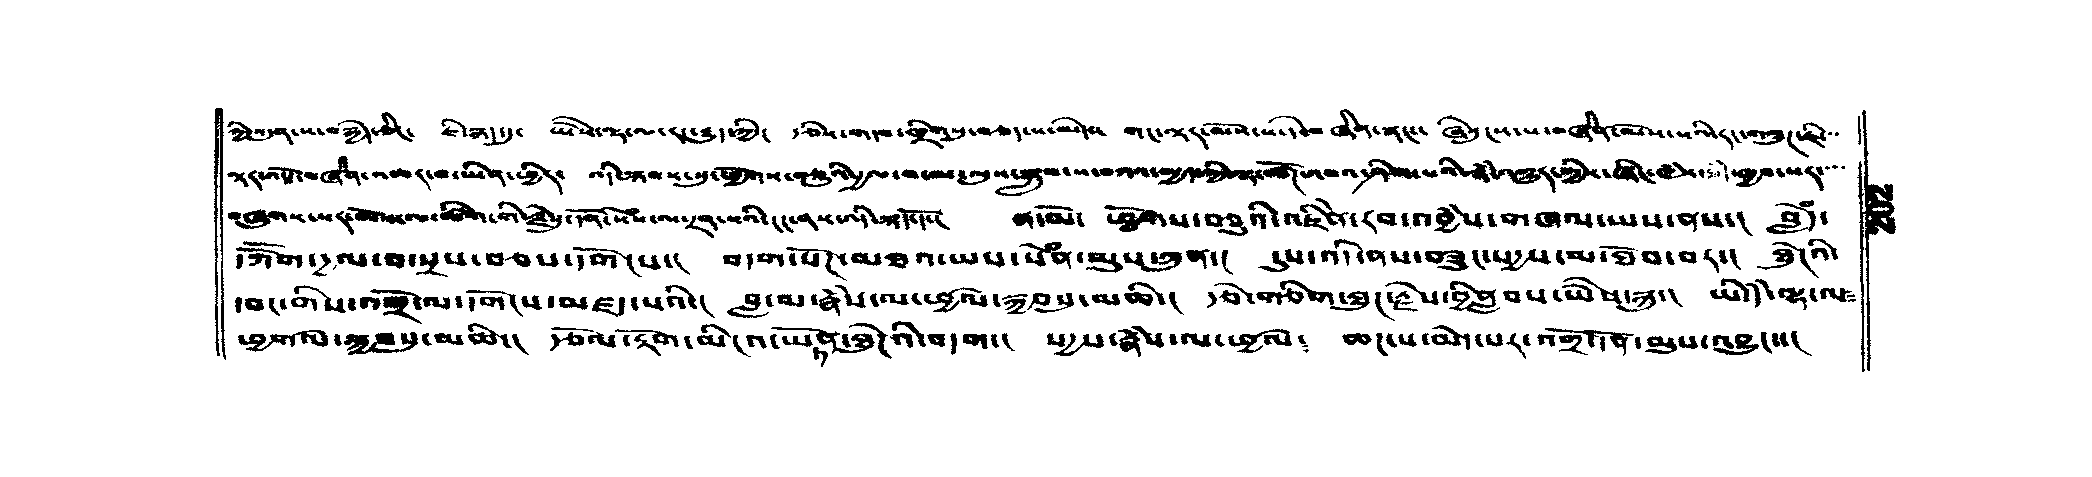ཀྱི་འདུན་པ་བསྐྱེད་ཅིང་། ཇི་སྐད་དུ། ཡེ་ཤེས་ལྷ་ལ་རང་རྒྱུད་ཀྱི། །རྩིས་གདབ་ཁྲིགས་སུ་བཅད་པ་མེད། །གང་ལྟར་མོས་པ་དེ་བཞིན་སྣང་། །ཞེས་གསུངས་པ་བཞིན་མོས་པའི་རང་གཟུགས་ཇི་
ལྟར་འདོད་བཞིན་འཆར་བ་ཡིན་ཕྱིར། འདི་སྐབས་སུ་ཕྱོགས་བཅུའི་རྒྱལ་བ་མ་ལུས་སྒྲུབ་པ་བཀའ་བརྒྱད་ཀྱི་ལྷ་ཚོགས་འབའ་ཤིག་པའི་རྣམ་འགྱུར་གྱི་ཞིང་ཁམས་ཀྱི་ཁྱད་པར་
བཞུགས་པར་མོས་ལ་ཚིག་གི་རྗེས་སུ་དོན་སེམས་ལ་དྲན་པའི་ངང་ནས་འདི་སྐད་དུ། ན་མོ། ཕྱོགས་བཅུའི་འཇིག་རྟེན་རབ་འབྱམས་གཞལ་ཡས་ནས། །བླ་མེད་
དཀོན་མཆོག་རྒྱལ་བ་སྲས་བཅས་དགོངས། །བདག་སོགས་མཐའ་ཡས་སེམས་ཅན་མ་ལུས་ཀུན། །དུས་འདི་ནས་བཟུང་སངས་རྒྱས་མ་ཐོབ་པར། །ཐུགས་རྗེའི་
དབང་གིས་འགྲོ་ལ་དགོངས་མཛད་པའི། །བླ་མ་རྣམས་ལ་ཕྱག་འཚལ་སྐྱབས་སུ་མཆི། །རྩེ་གཅིག་ཐུགས་རྗེས་བྱིན་རླབས་ཡེ་ཤེས་སྐུ། །ཡི་དམ་ལྷ་ལ་
ཕྱག་འཚལ་སྐྱབས་སུ་མཆི། །རྩོལ་རྟོག་མི་མངའ་ཡོན་ཏན་ཐུགས་རྗེའི་བདག་།སངས་རྒྱས་རྣམས་ལ་ཕྱག་འཚལ་༴ ཆགས་པ་མེད་པར་འགྲོ་དོན་མ་ལུས་འབྱུང་།